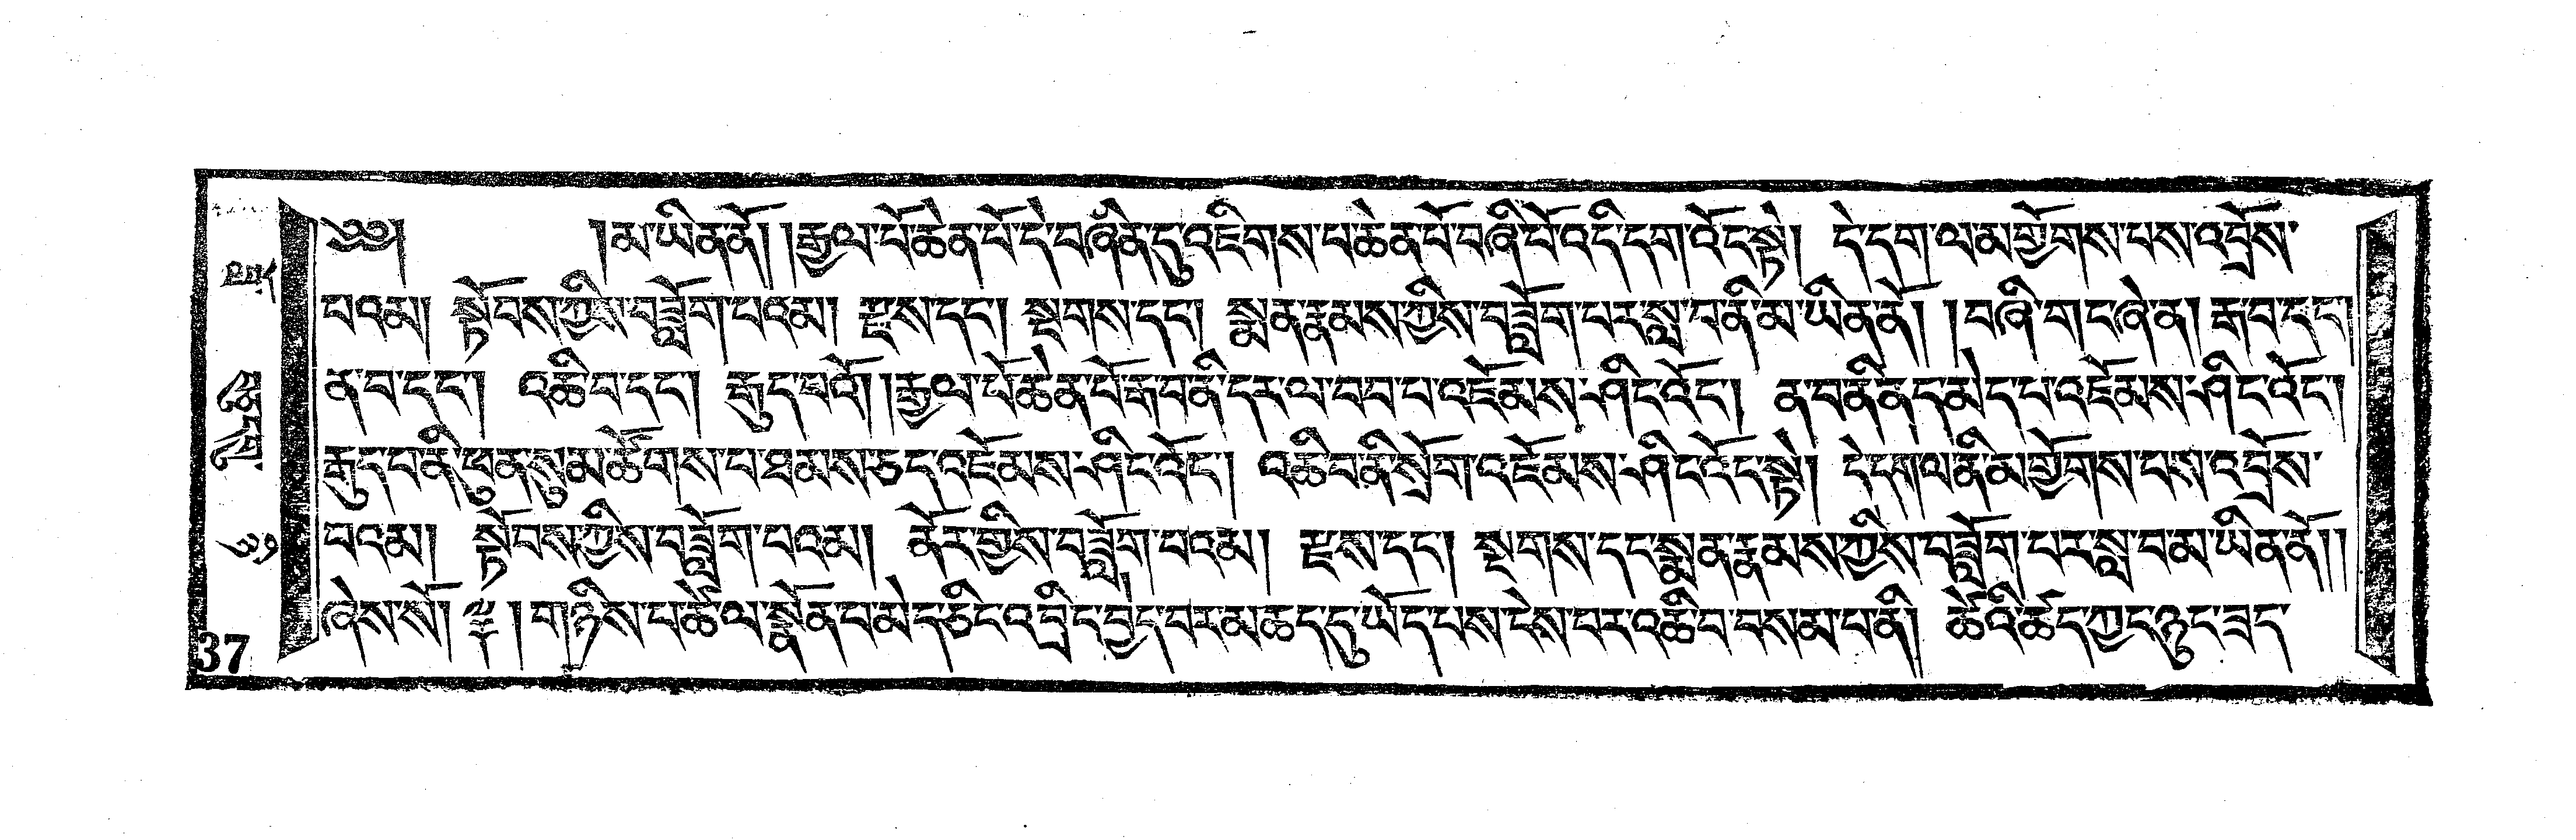༄༅། །མ་ཡིན་ནོ། །རྒྱལ་པོ་ཆེན་པོ་དེ་བཞིན་དུ་འཇིགས་པ་ཆེན་པོ་བཞི་པོ་འདི་དག་འོང་སྟེ། དེ་དག་ལ་མགྱོགས་པས་འབྲོས་
པའམ། སྟོབས་ཀྱིས་བཟློག་པའམ། རྫས་དང་། སྔགས་དང་། སྨན་རྣམས་ཀྱིས་བཟློག་པར་སླ་བ་ནི་མ་ཡིན་ནོ། །བཞི་གང་ཞེ་ན། རྒ་བ་དང་།
ན་བ་དང་། འཆི་བ་དང་། རྒུད་པའོ། །རྒྱལ་པོ་ཆེན་པོ་རྒ་བ་ནི་དར་ལ་བབ་པ་འཇོམས་ཤིང་འོང་། ན་བ་ནི་ནད་མེད་པ་འཇོམས་ཤིང་འོང་།
རྒུད་པ་ནི་ཕུན་སུམ་ཚོགས་པ་ཐམས་ཅད་འཇོམས་ཤིང་འོང་། འཆི་བ་ནི་སྲོག་འཇོམས་ཤིང་འོང་སྟེ། དེ་དག་ལ་ནི་མགྱོགས་པས་འབྲོས་
པའམ། སྟོབས་ཀྱིས་བཟློག་པའམ། ནོར་གྱིས་བཟློག་པའམ། རྫས་དང་། སྔགས་དང་སྨན་རྣམས་ཀྱིས་བཟློག་པར་སླ་བ་མ་ཡིན་ནོ། །
ཞེས་སོ། ༈ །གཉིས་པ་ཚེ་ལ་སྣོན་པ་མེད་ཅིང་འབྲིད་བྱེད་པར་མཆད་དུ་ཡོད་པས་ངེས་པར་འཆི་བ་བསམ་པ་ནི། ཚེའི་ཚད་ཀྱང་ཉུང་ཟད་